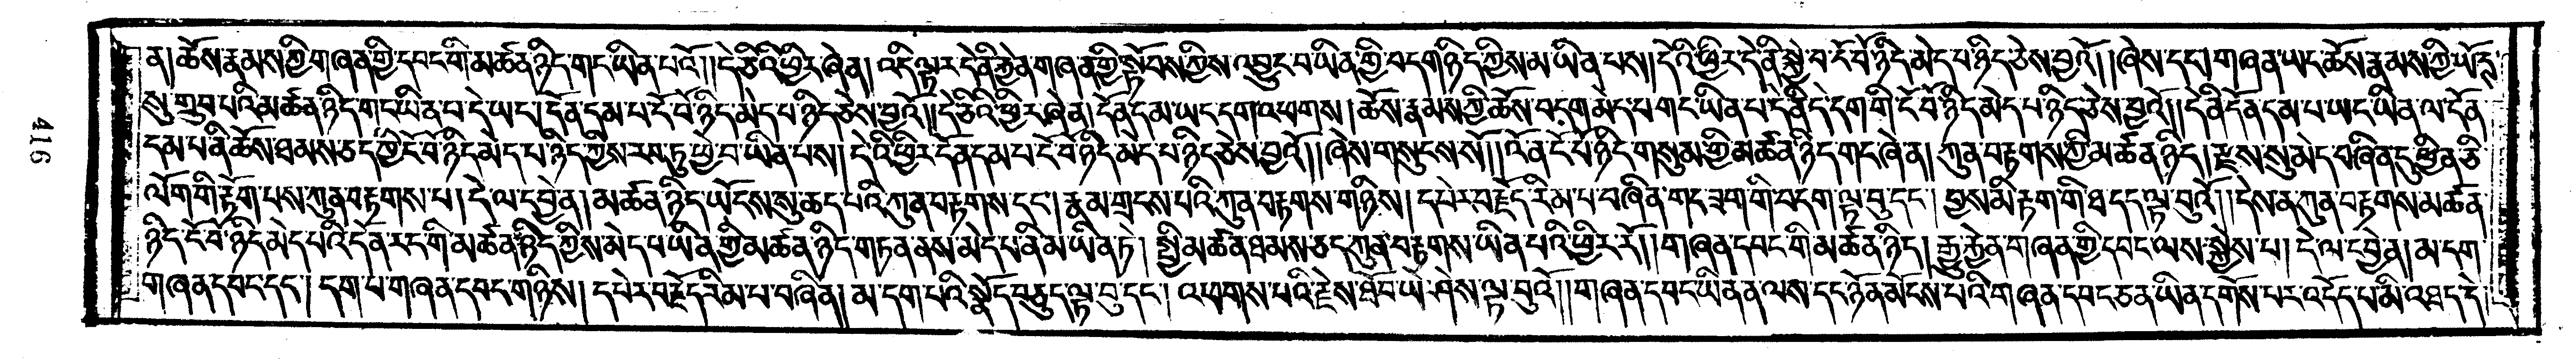ན། ཆོས་རྣམས་ཀྱི་གཞན་གྱི་དབང་གི་མཚན་ཉིད་གང་ཡིན་པའོ། །དེ་ཅིའི་ཕྱིར་ཞེ་ན། འདི་ལྟར་དེ་ནི་རྐྱེན་གཞན་གྱི་སྟོབས་ཀྱིས་འབྱུང་བ་ཡིན་གྱི་བདག་ཉིད་ཀྱིས་མ་ཡིན་པས། དེའི་ཕྱིར་དེ་ནི་སྐྱེ་བ་ངོ་བོ་ཉིད་མེད་པ་ཉིད་ཅེས་བྱའོ། །ཞེས་དང་། གཞན་ཡང་ཆོས་རྣམས་ཀྱི་ཡོངས་
སུ་གྲུབ་པའི་མཚན་ཉིད་གང་ཡིན་པ་དེ་ཡང་། དོན་དམ་པ་ངོ་བོ་ཉིད་མེད་པ་ཉིད་ཅེས་བྱའོ། །དེ་ཅིའི་ཕྱིར་ཞེ་ན། དོན་དམ་ཡང་དག་འཕགས། ཆོས་རྣམས་ཀྱི་ཆོས་བདག་མེད་པ་གང་ཡིན་པ་དེ་ནི་དེ་དག་གི་ངོ་བོ་ཉིད་མེད་པ་ཉིད་ཅེས་བྱའོ། །དེ་ནི་དོན་དམ་པ་ཡང་ཡིན་ལ་དོན་
དམ་པ་ནི་ཆོས་ཐམས་ཅད་ཀྱི་ངོ་བོ་ཉིད་མེད་པ་ཉིད་ཀྱིས་རབ་ཏུ་ཕྱེ་བ་ཡིན་པས། དེའི་ཕྱིར་དོན་དམ་པ་ངོ་བོ་ཉིད་མེད་པ་ཉིད་ཅེས་བྱའོ། །ཞེས་གསུངས་སོ། །འོ་ན་ངོ་བོ་ཉིད་གསུམ་གྱི་མཚན་ཉིད་གང་ཞེ་ན། ཀུན་བརྟགས་ཀྱི་མཚན་ཉིད། རྫས་སུ་མེད་བཞིན་དུ་ཕྱིན་ཅི་
ལོག་གི་རྟོག་པས་ཀུན་བརྟགས་པ། དེ་ལ་དབྱེ་ན། མཚན་ཉིད་ཡོངས་སུ་ཆད་པའི་ཀུན་བརྟགས་དང་། རྣམ་གྲངས་པའི་ཀུན་བརྟགས་གཉིས། དཔེར་བརྗོད་རིམ་པ་བཞིན་གང་ཟག་གི་བདག་ལྟ་བུ་དང་། བྱས་མི་རྟག་གི་ཐ་དད་ལྟ་བུའོ། །དེས་ན་ཀུན་བརྟགས་མཚན་
ཉིད་ངོ་བོ་ཉིད་མེད་པའི་དོན་རང་གི་མཚན་ཉིད་ཀྱིས་མེད་པ་ཡིན་གྱི་མཚན་ཉིད་གཏན་ནས་མེད་པ་ནི་མ་ཡིན་ཏེ། སྤྱི་མཚན་ཐམས་ཅད་ཀུན་བརྟགས་ཡིན་པའི་ཕྱིར་རོ། །གཞན་དབང་གི་མཚན་ཉིད། རྒྱུ་རྐྱེན་གཞན་གྱི་དབང་ལས་སྐྱེས་པ། དེ་ལ་དབྱེ་ན། མ་དག་
གཞན་དབང་དང་། དག་པ་གཞན་དབང་གཉིས། དཔེར་བརྗོད་རིམ་པ་བཞིན། མ་དག་པའི་སྣོད་བཅུད་ལྟ་བུ་དང་། འཕགས་པའི་རྗེས་ཐོབ་ཡེ་ཤེས་ལྟ་བུའོ། །གཞན་དབང་ཡིན་ན་ལས་དང་ཉོན་མོངས་པའི་གཞན་དབང་ཅན་ཡིན་དགོས་པར་འདོད་པ་མི་འཐད་དེ།